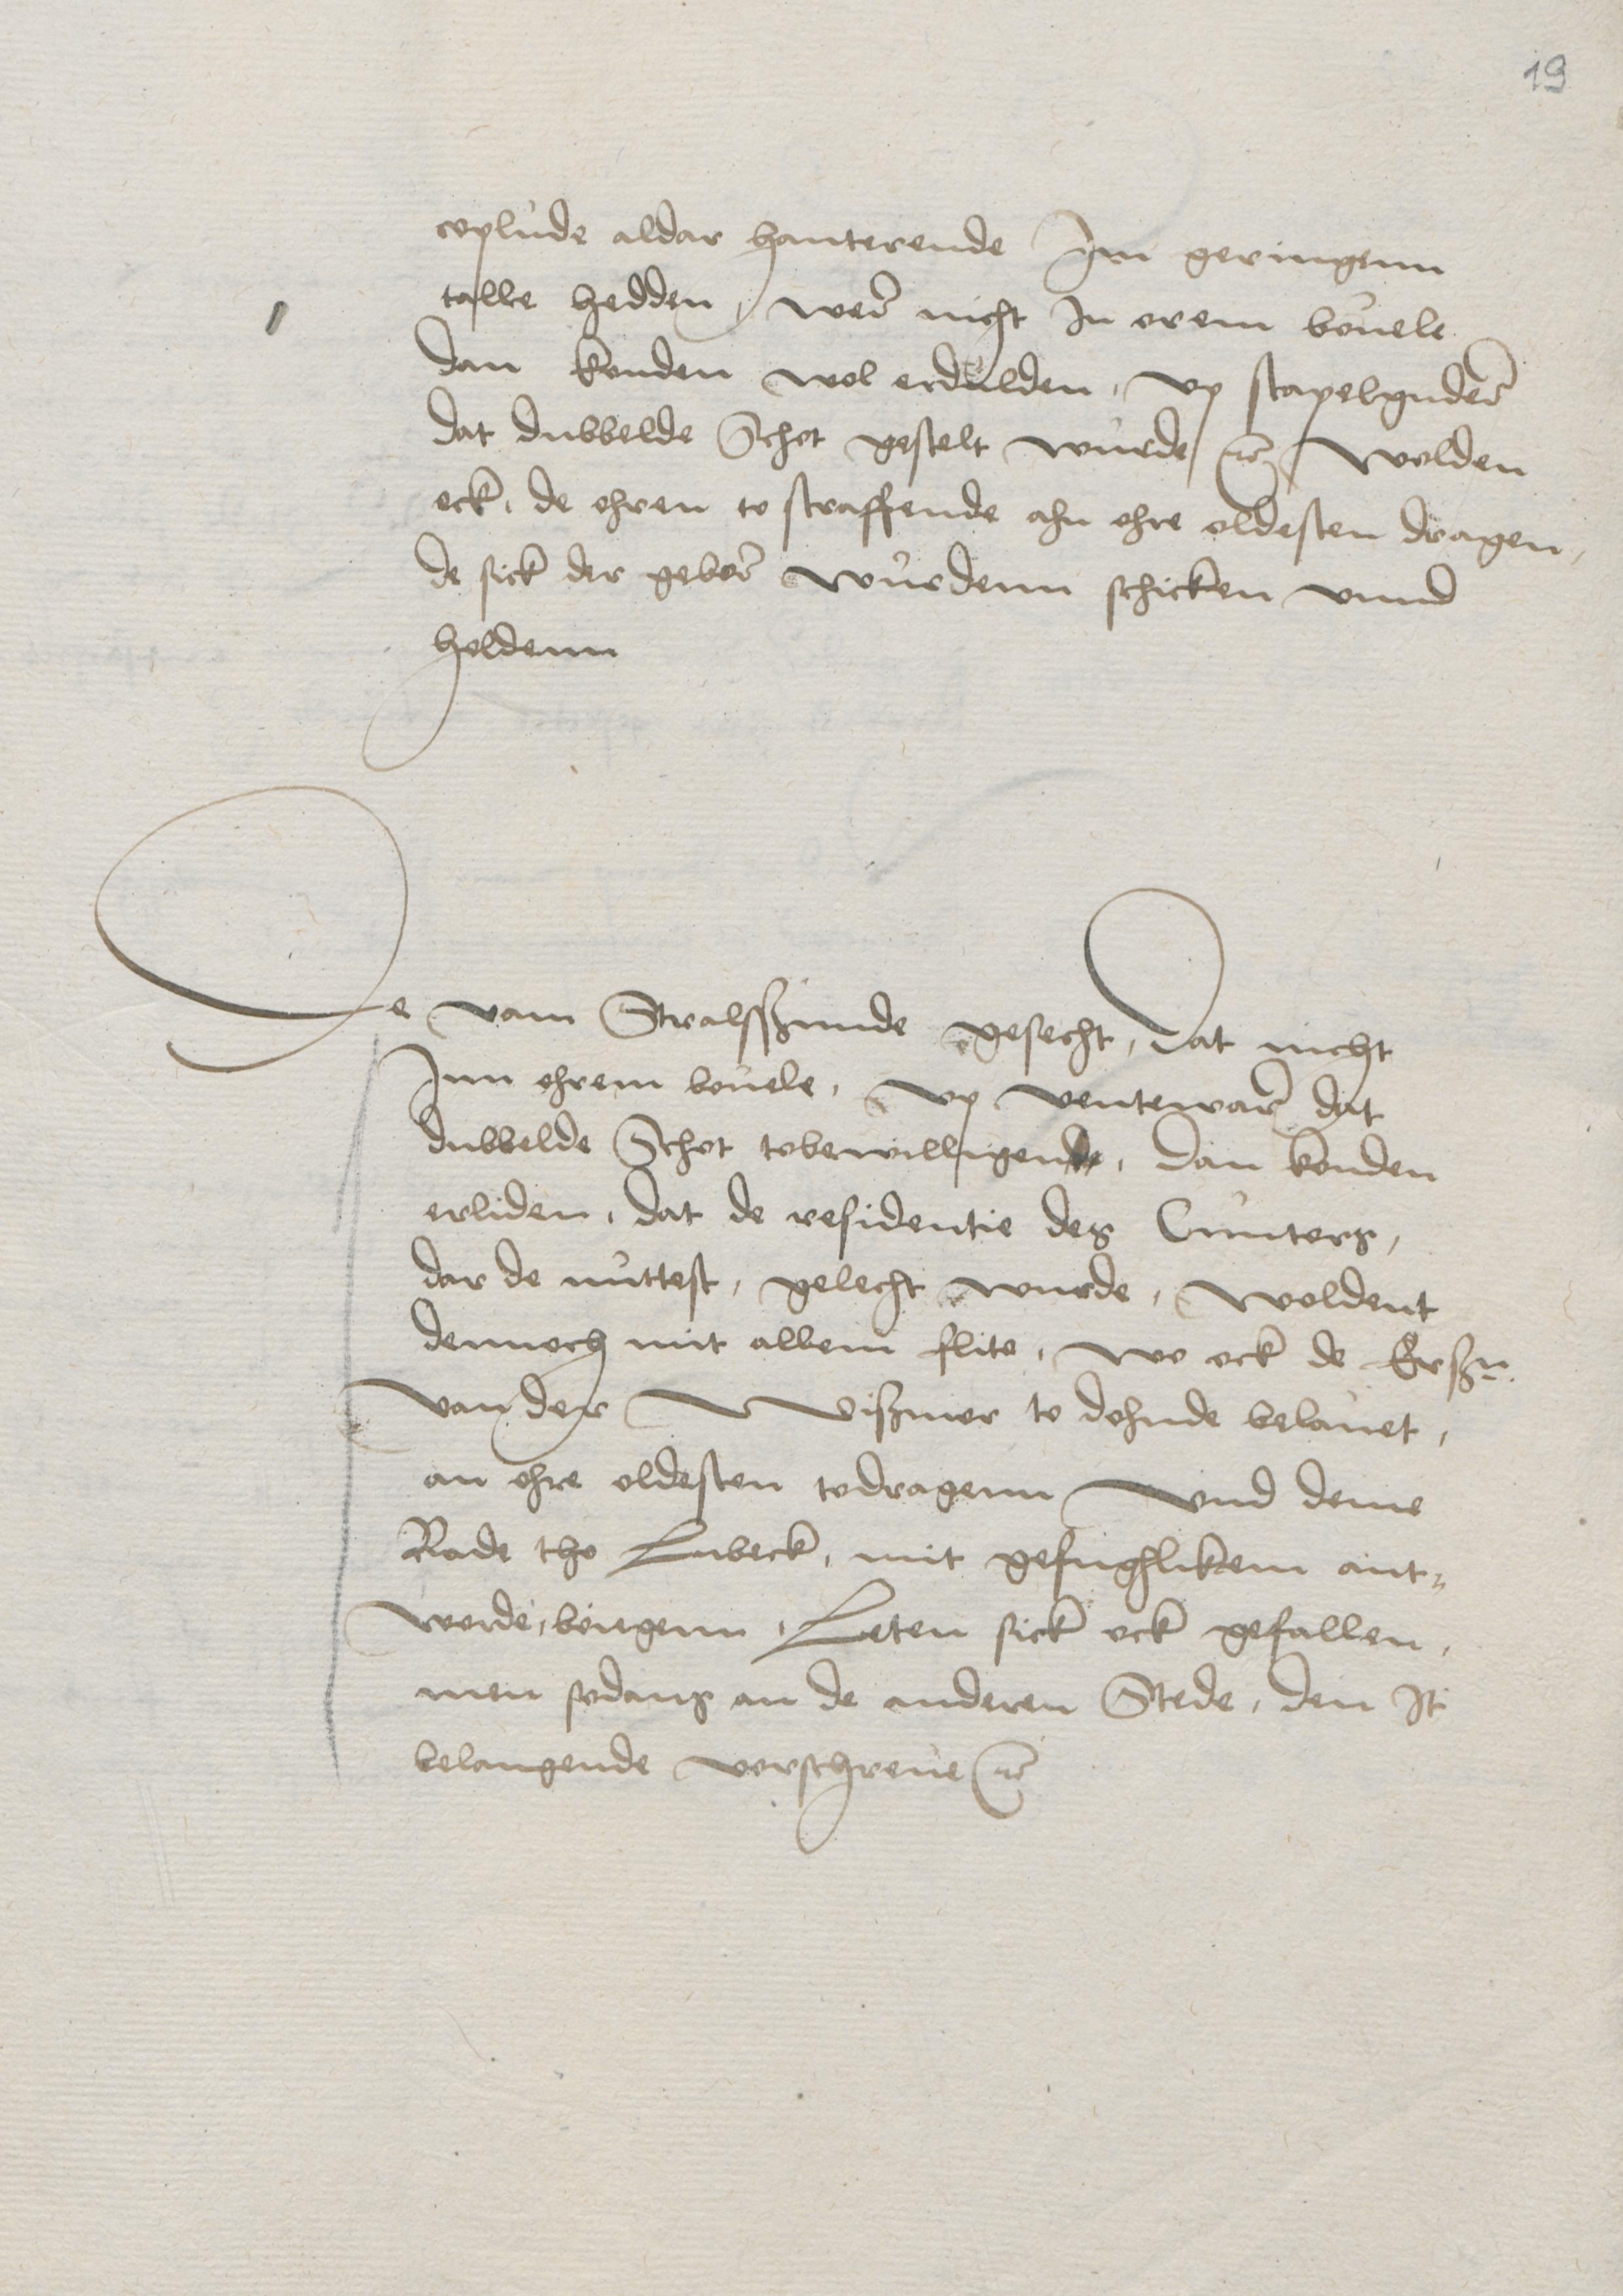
coplude aldar hanterende Jm geringenn
talle hedden, wer nicht jn erem bouele
dan konden wol erdulden, vp stapelguder
dat dubbelde Schot gestelt wurde etc wolden
ock, de ehren to straffende ahn ehre oldesten dragen,
de sick der gebor wurdenn schicken vnnd
holdenn
De vam Stralsßunde gesecht, Dat nicht
Inn ehrem beuele, vp ventewar dat
dubbelde Schot tobewilligende, dan konden
erliden, dat de residentie des Cuntors,
dar de nuttest, gelecht wurde, woldent
dennoch mit allem flite, wo ock de Erßamen
van der Wißmer to dohnde belauet,
an ohre oldesten todragenn vnd deme
Rade tho Lubeck, mit gefughlikem ant-
worde, boiegenn, Leten sick ock gefallen,
men sodans an de anderen Stede, den Jt
belangende vorschreue etc
